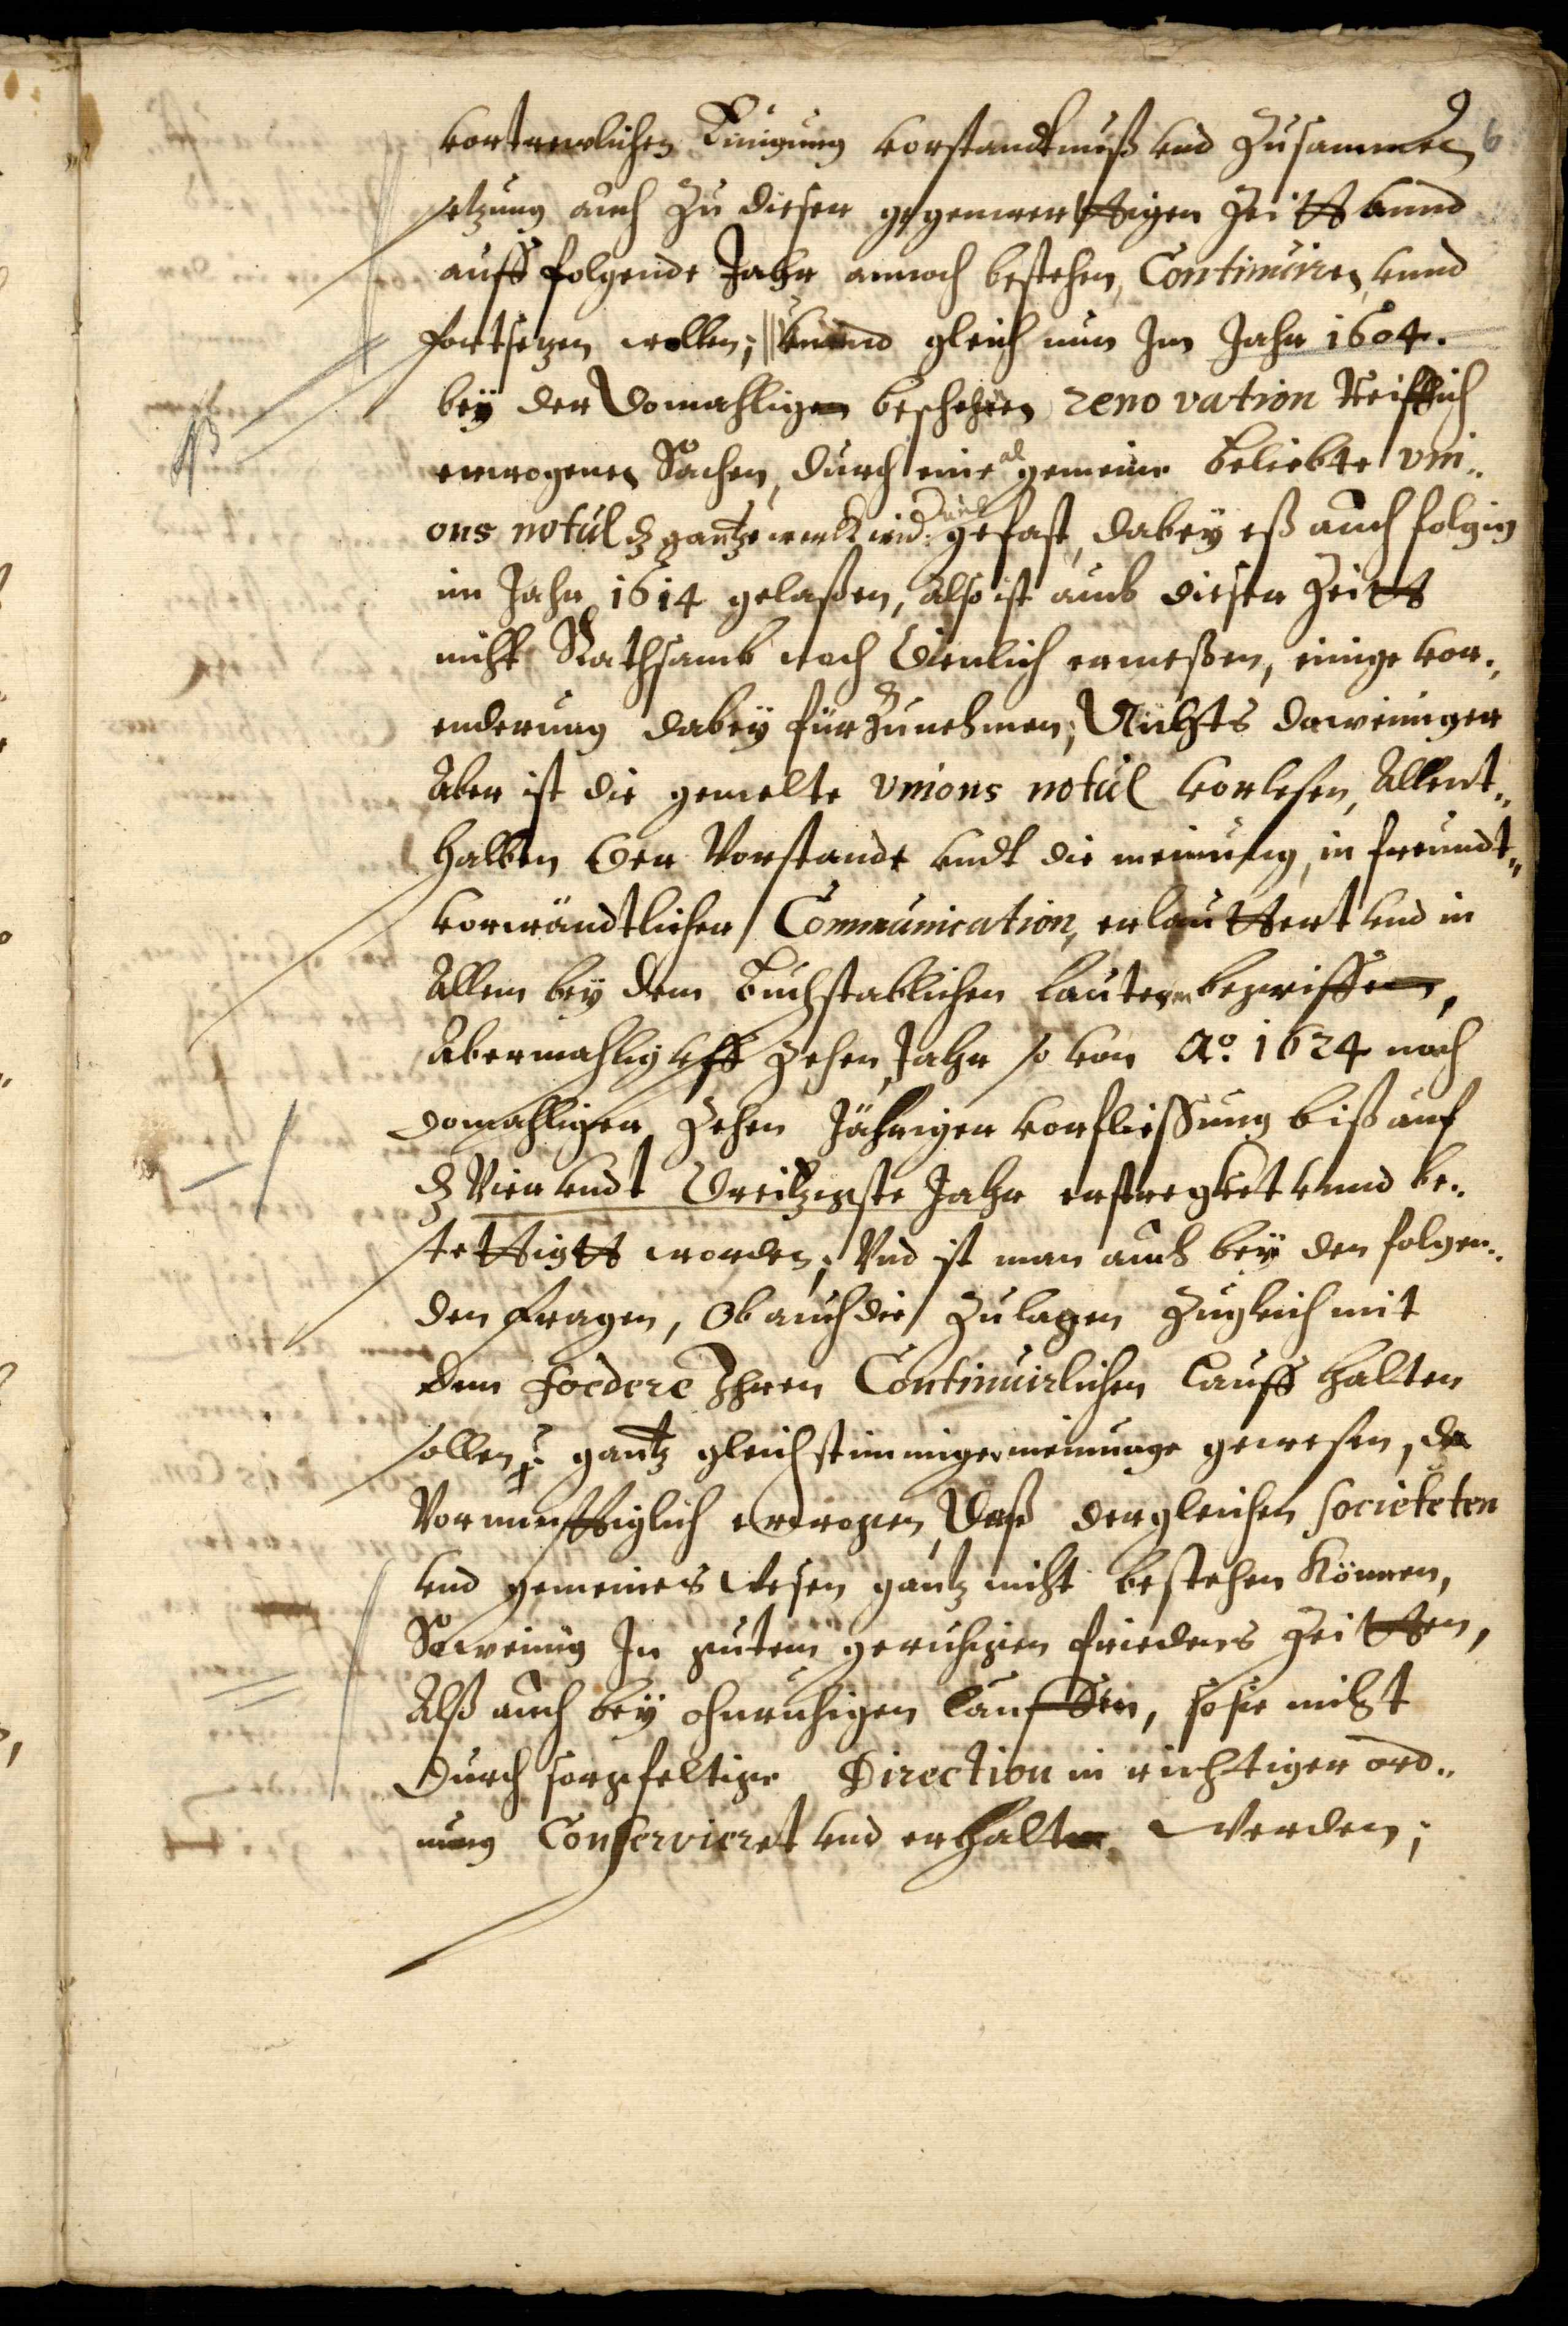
9
vortrewlichen Einigung vorstandtnuß vnd zusammen
setzung auch zu dieser gegenwerttigen Zeitt vnnd
auff folgendt Iahr annoch bestehen Continuiren, vnnd
fortsetzen wollen; vnnd gleich nun im jahr 1604.
bey der domahligen beschehnen renovation reiflich
erwogenen Sachen, durch eine algemeine beliebte uni¬
ons notul den gantze werk ind: umbgefast, dabeij eß auch folgig
im Iahr 1614 gelaßen, also ist auch dieser Zeitt
nicht Rathsamb noch Dienlich ermeßen, einige vor¬
enderung dabeij fürzunehmen; Nichts doweiniger
aber ist die gemelte unions notul vorlesen, allent¬
halben der Vorstandt vndt die meinung, in freundt¬
vorwändtlicher Communication, erlauttert vnd in
allem beij dem buchstablichen lauter inbegriffen,
abermahlig vff zehen Jahr so von Ao. 1624 noch
domahliger Zehen Iähriger vorfließung biß auf
den Vier undt Dreitzigste Iahr erstregket vnnd be¬
stettigtt worden; Vnd ist man auch beij den folgen¬
den fragen, Ob auch die Zulagen zugleich mit
dem foedere Ihren Continuierlichen lauff halten
sollen? gantz gleichstimmiger meinunge gewesen, da
Vornunfftiglich erwogen, Daß dergleichen Societeten
vnd gemeines wesen gantz nicht bestehen können,
So weinig in gutem geruhigen friedens Zeitten,
alß auch beij ohnruhigen lauffen, so sie nicht
durch sorgfeltige Direction in richtiger ord¬
nung Conservieret vnd erhalten werden;
